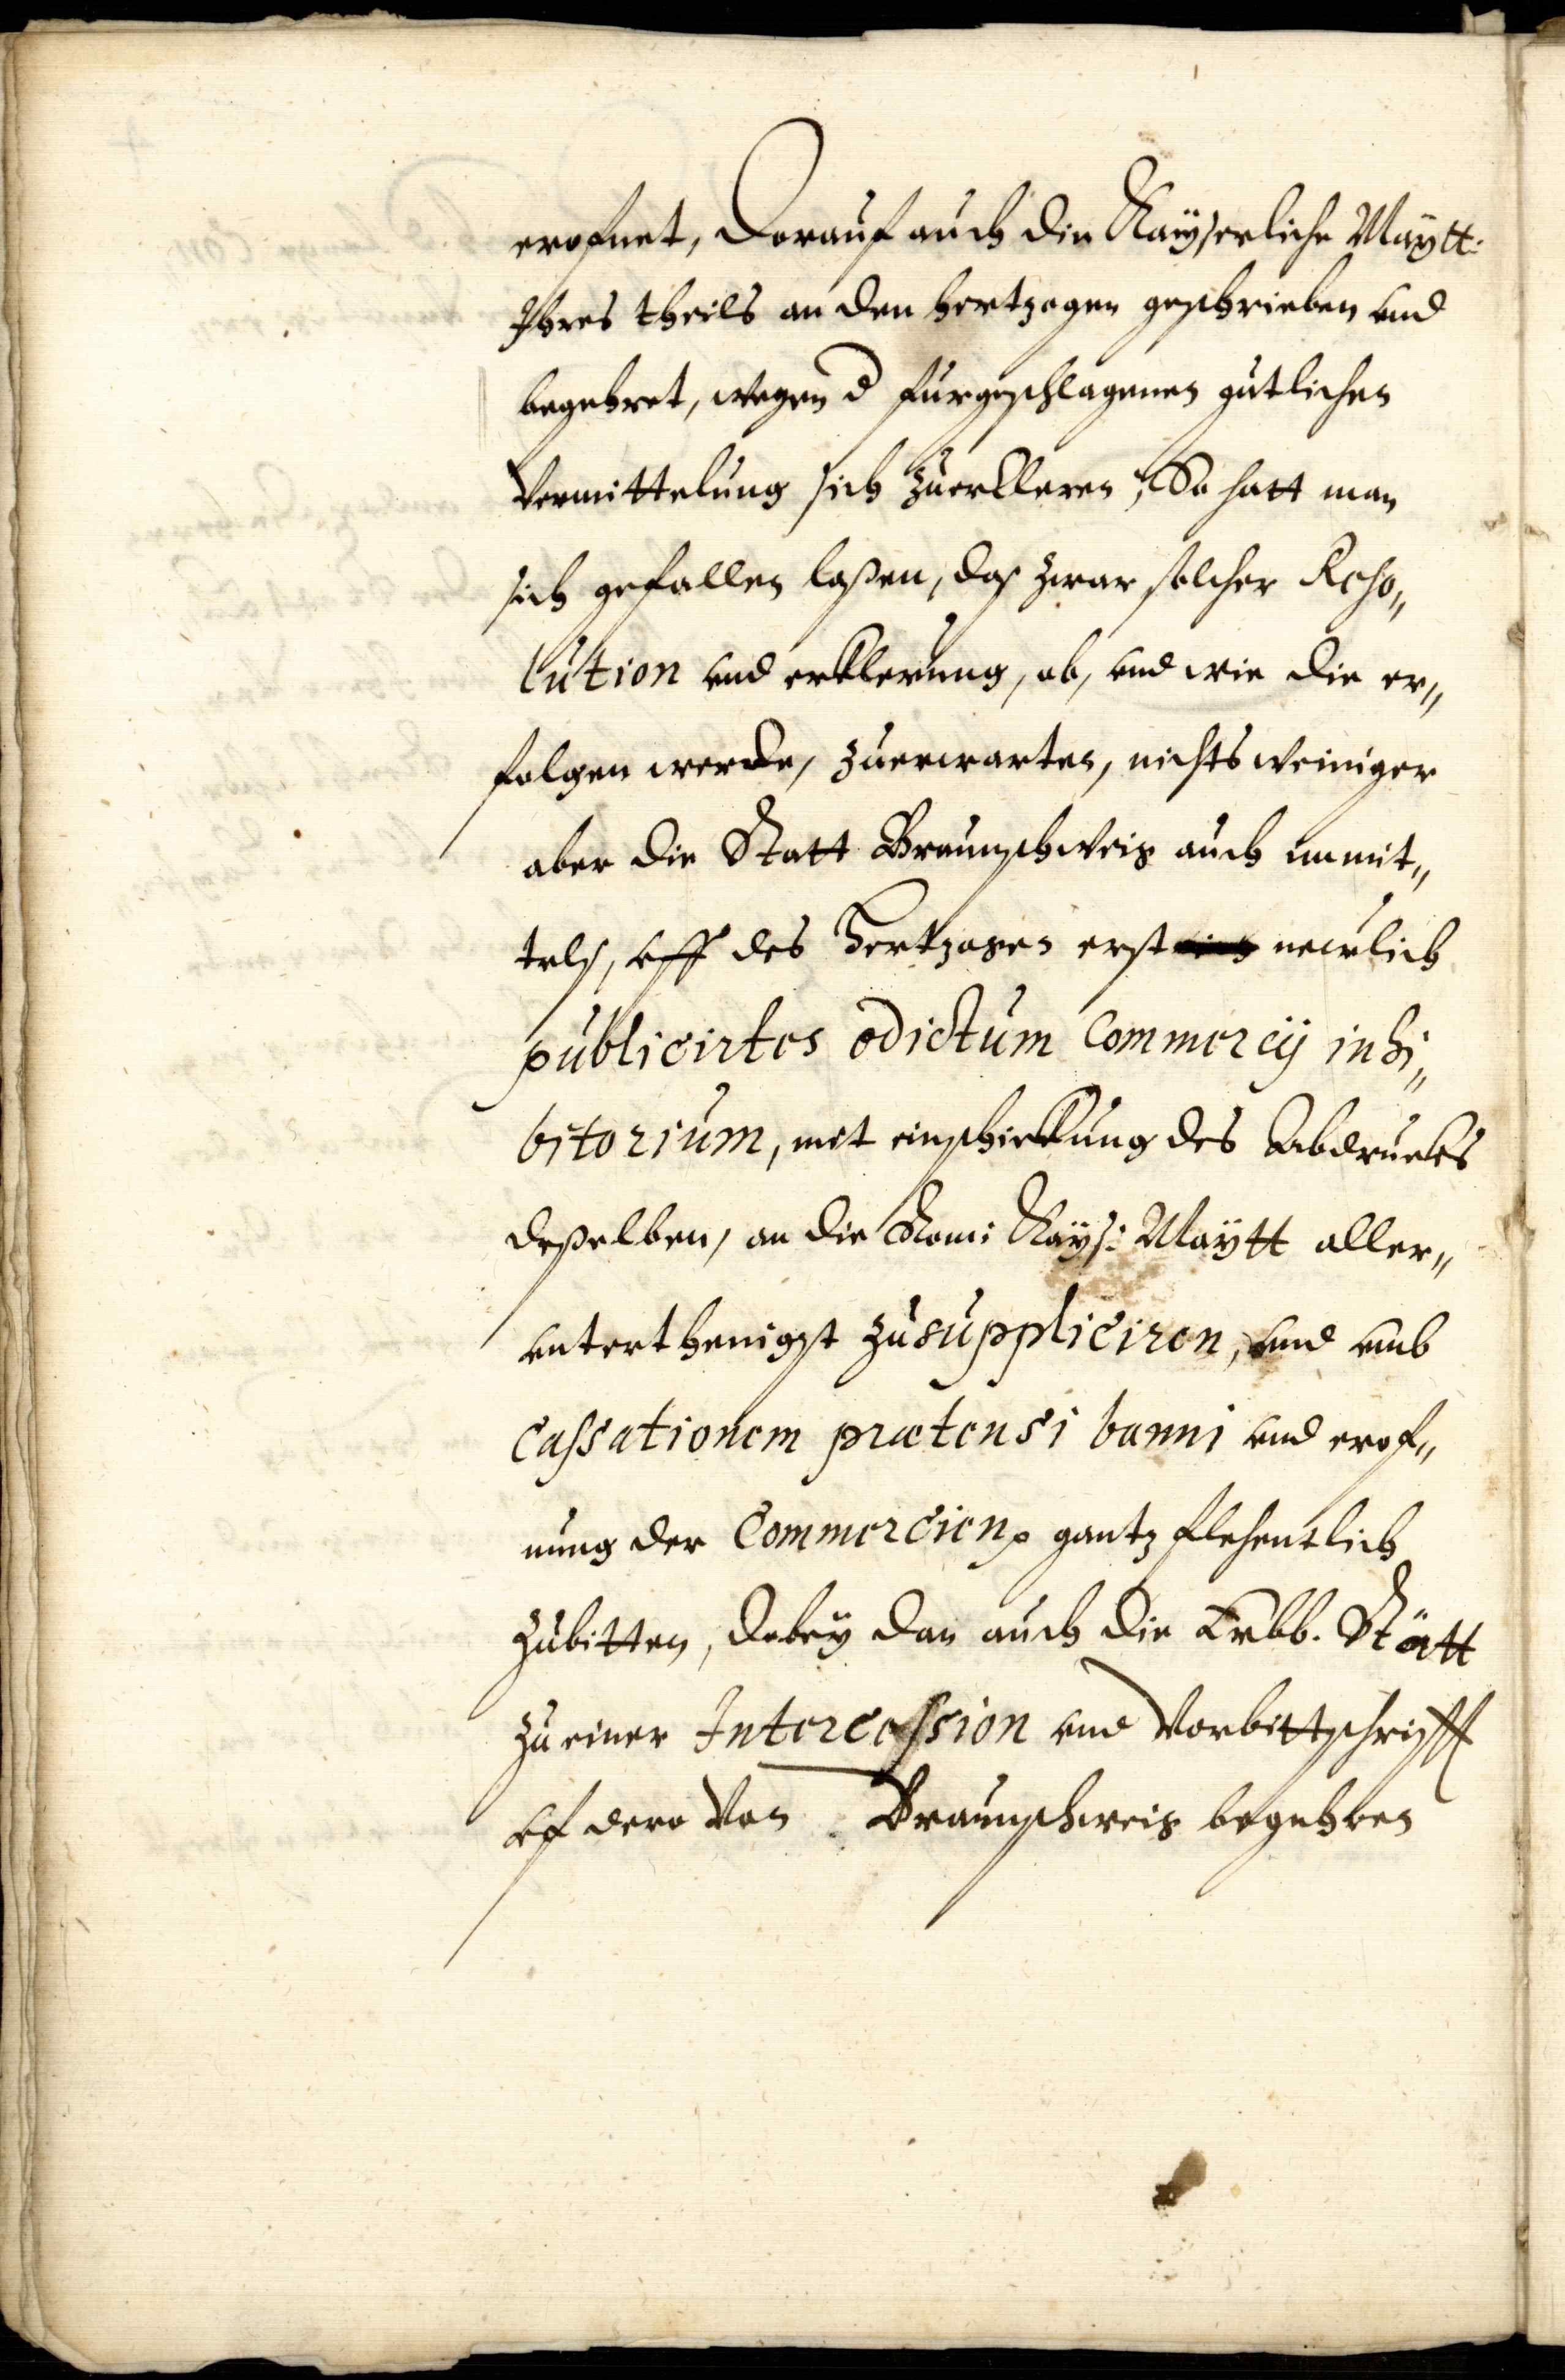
erofnet, Darauf auch die Kaijserliche Maijtt:
Ihres theils an den hertzogen geschrieben vnd
begehret, wegen der furgeschlagenen gutlichen
Vermittelung sich zuerkleren, So hatt man
sich gefallen laßen, daß zwar solcher Reso¬
lution vnd erklerung, ob, vnd wie die er¬
folgen werde, zuerwarten, nichts weiniger
aber die Statt Braunschweig auch immit¬
tels, vff des Hertzogen erst ein newlich
publicirtes edictum Commercij inhi¬
bitorium, mit einschickung des Abdrucks
deßelben, an die Rom: Kaijs: Maijtt aller¬
vnterthenigst zu suppliciren, vnd vmb
cassationem praetensi banni vnd erof¬
nung der Commercien p gantz flehentlich
zubitten, dabeij dan auch die Erbb: Stätt
zu einer Intercession vnd Vorbittschrifft
vf dero Von Braunschweig begehren,
